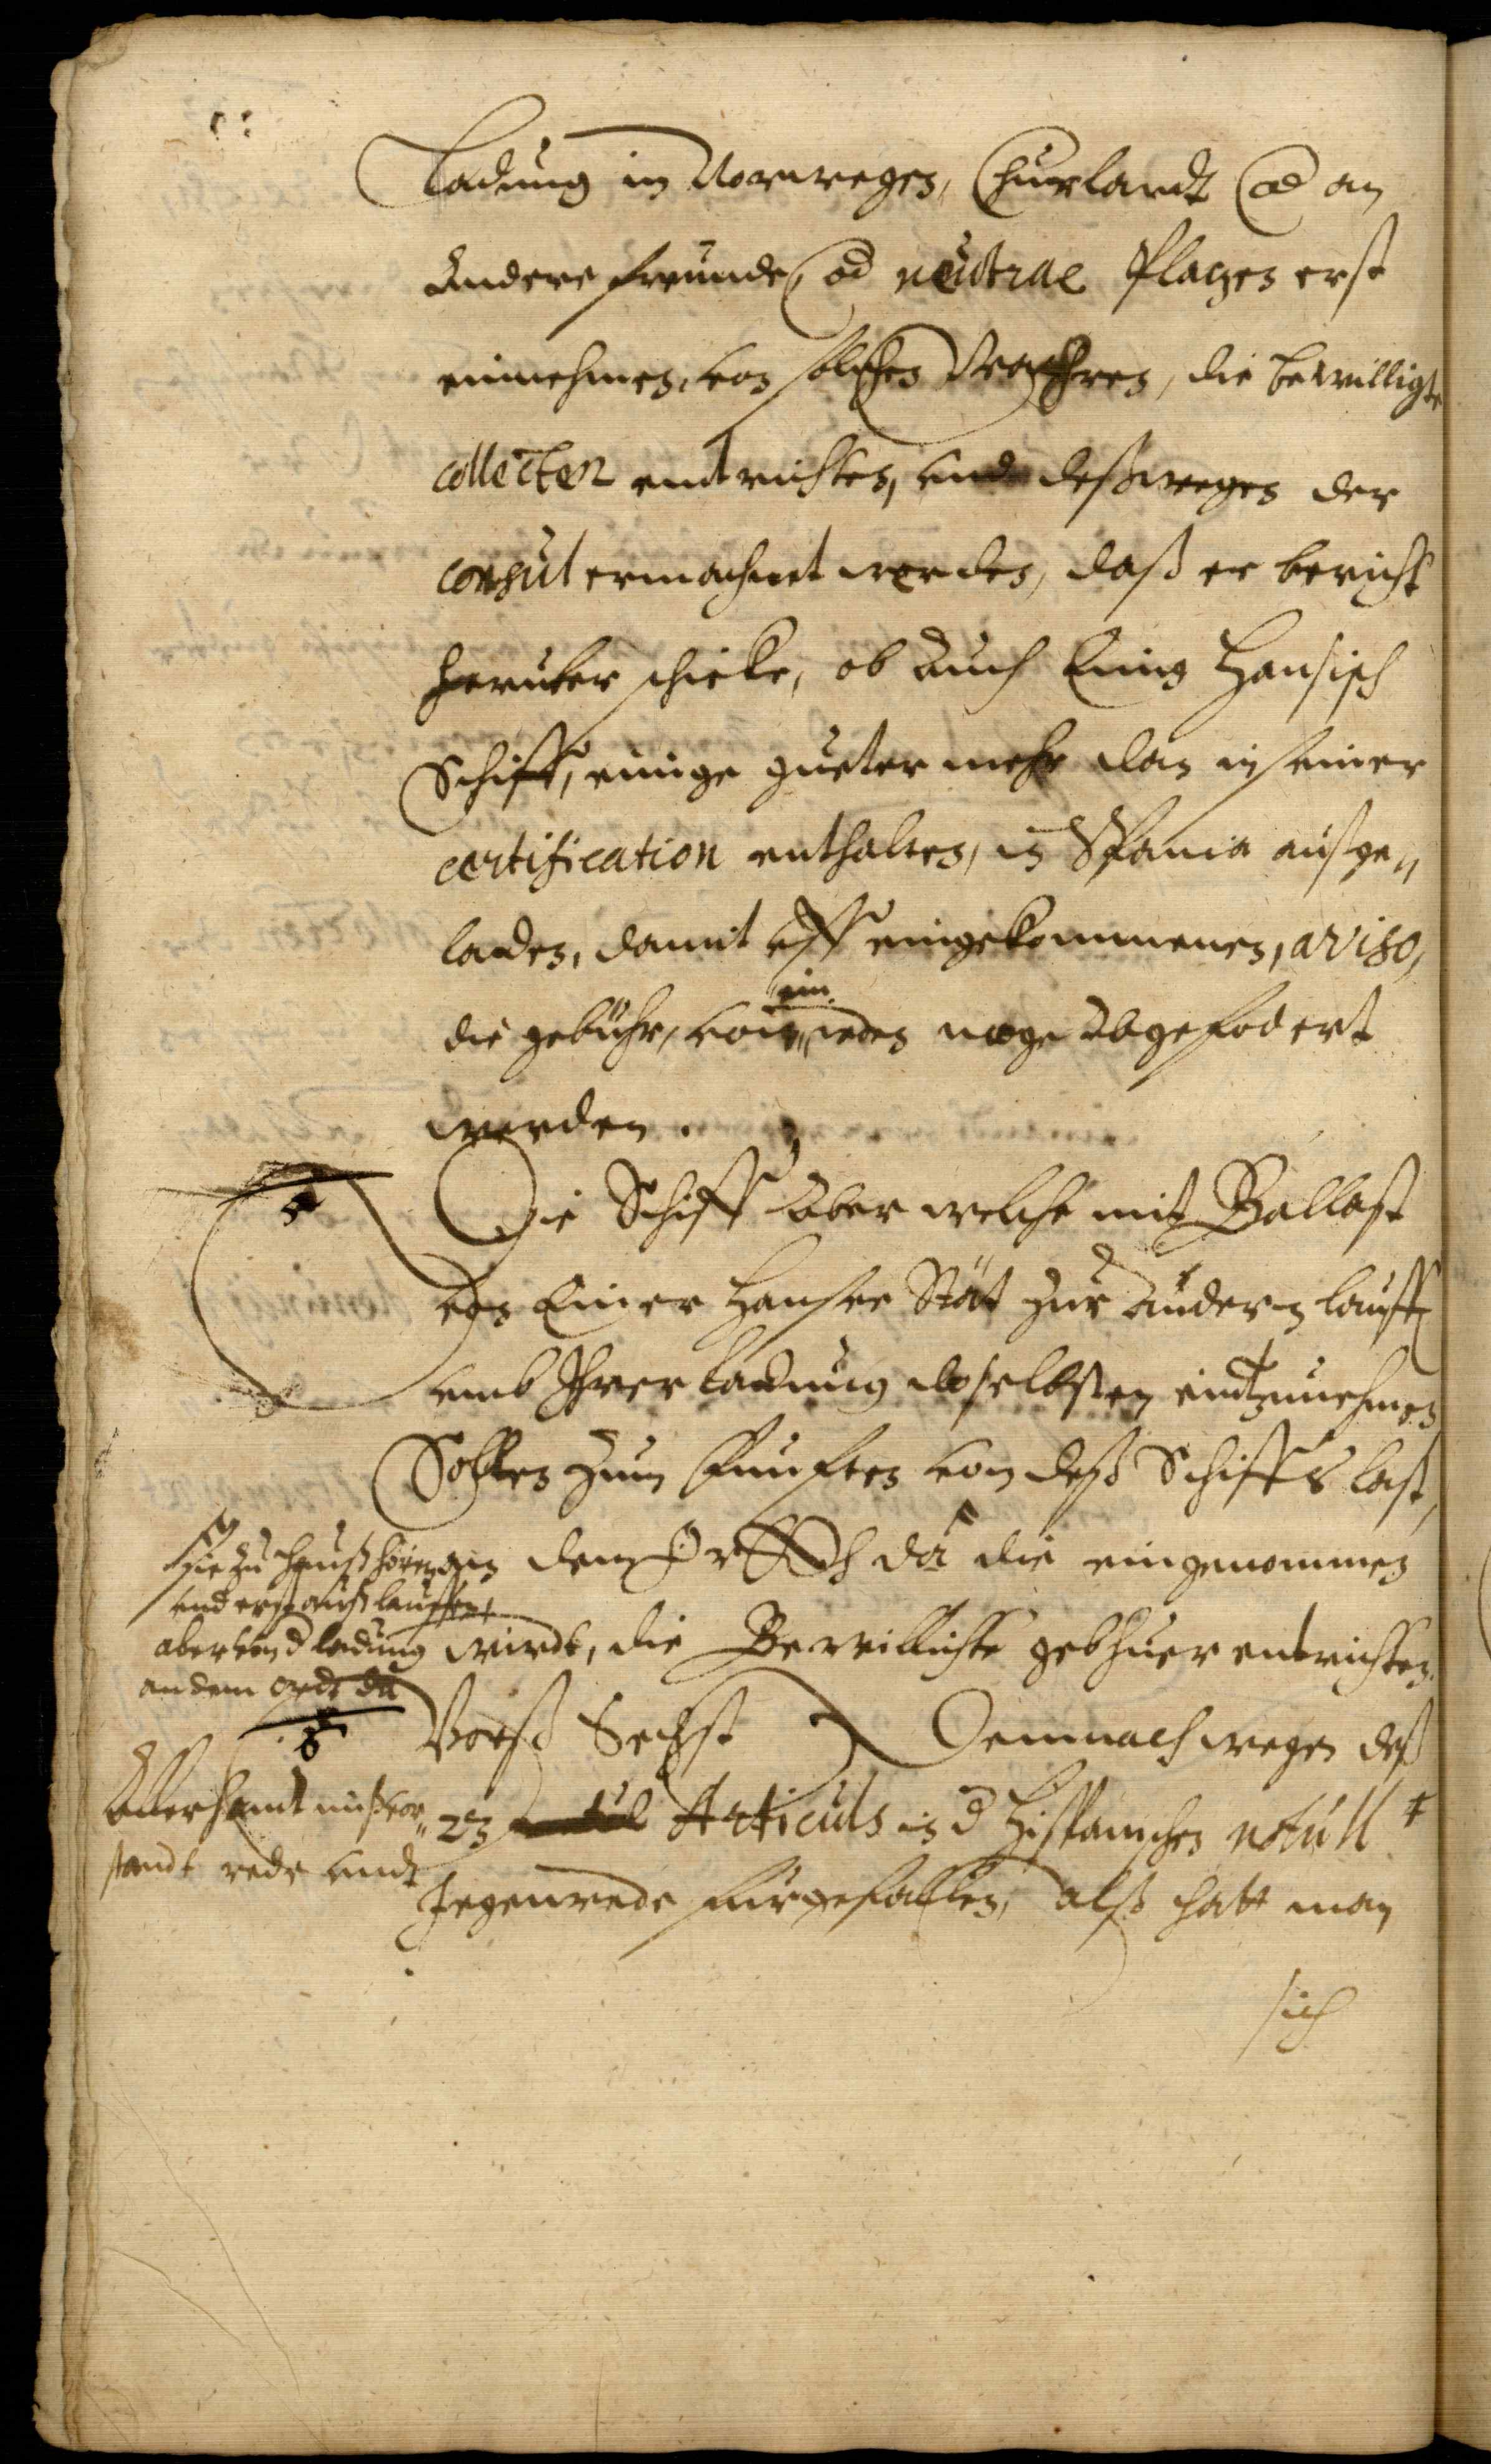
Ladung in Norwegen, Churlandt oder an
Andere freunde, oder neutral Platzen erst
einnehmen, von solchen Wahren, die bewilligte
collecten entrichten, vnd deßwegen der
consul ermahnet worden, daß er bericht
heruber schicke, ob Auch Enig Hansisch
Schiff, einige gueter mehr dan in seiner
certification enthalten, in Spania außge¬
laden, damit vff eingekommenen, aviso,
die gebühr, von ein ieden wege Abgefodert
werden.
Die Schiff aber welche mit Ballast
von Einer Hansee Stät zur Andern lauffen
umb Ihrer Ladung doselbsten eintzunehmen
Sollen zum Funften von deß Schiffs last,
an dem Ortth da F die eingenommen
wirdt, die Bewillichte gebhuer entrichten.
Vorß Sechst Demnach wegen deß
23 artul Articuls in der Hispanischen notull F
Jegenrede furgefallen, alß hatt man
sich
F sie zu hauß hörig
vnd erst auß lauffen,
aber von der ladung
an dem ordt da
6
Allerhant mißvor¬
standt rede vnndt
